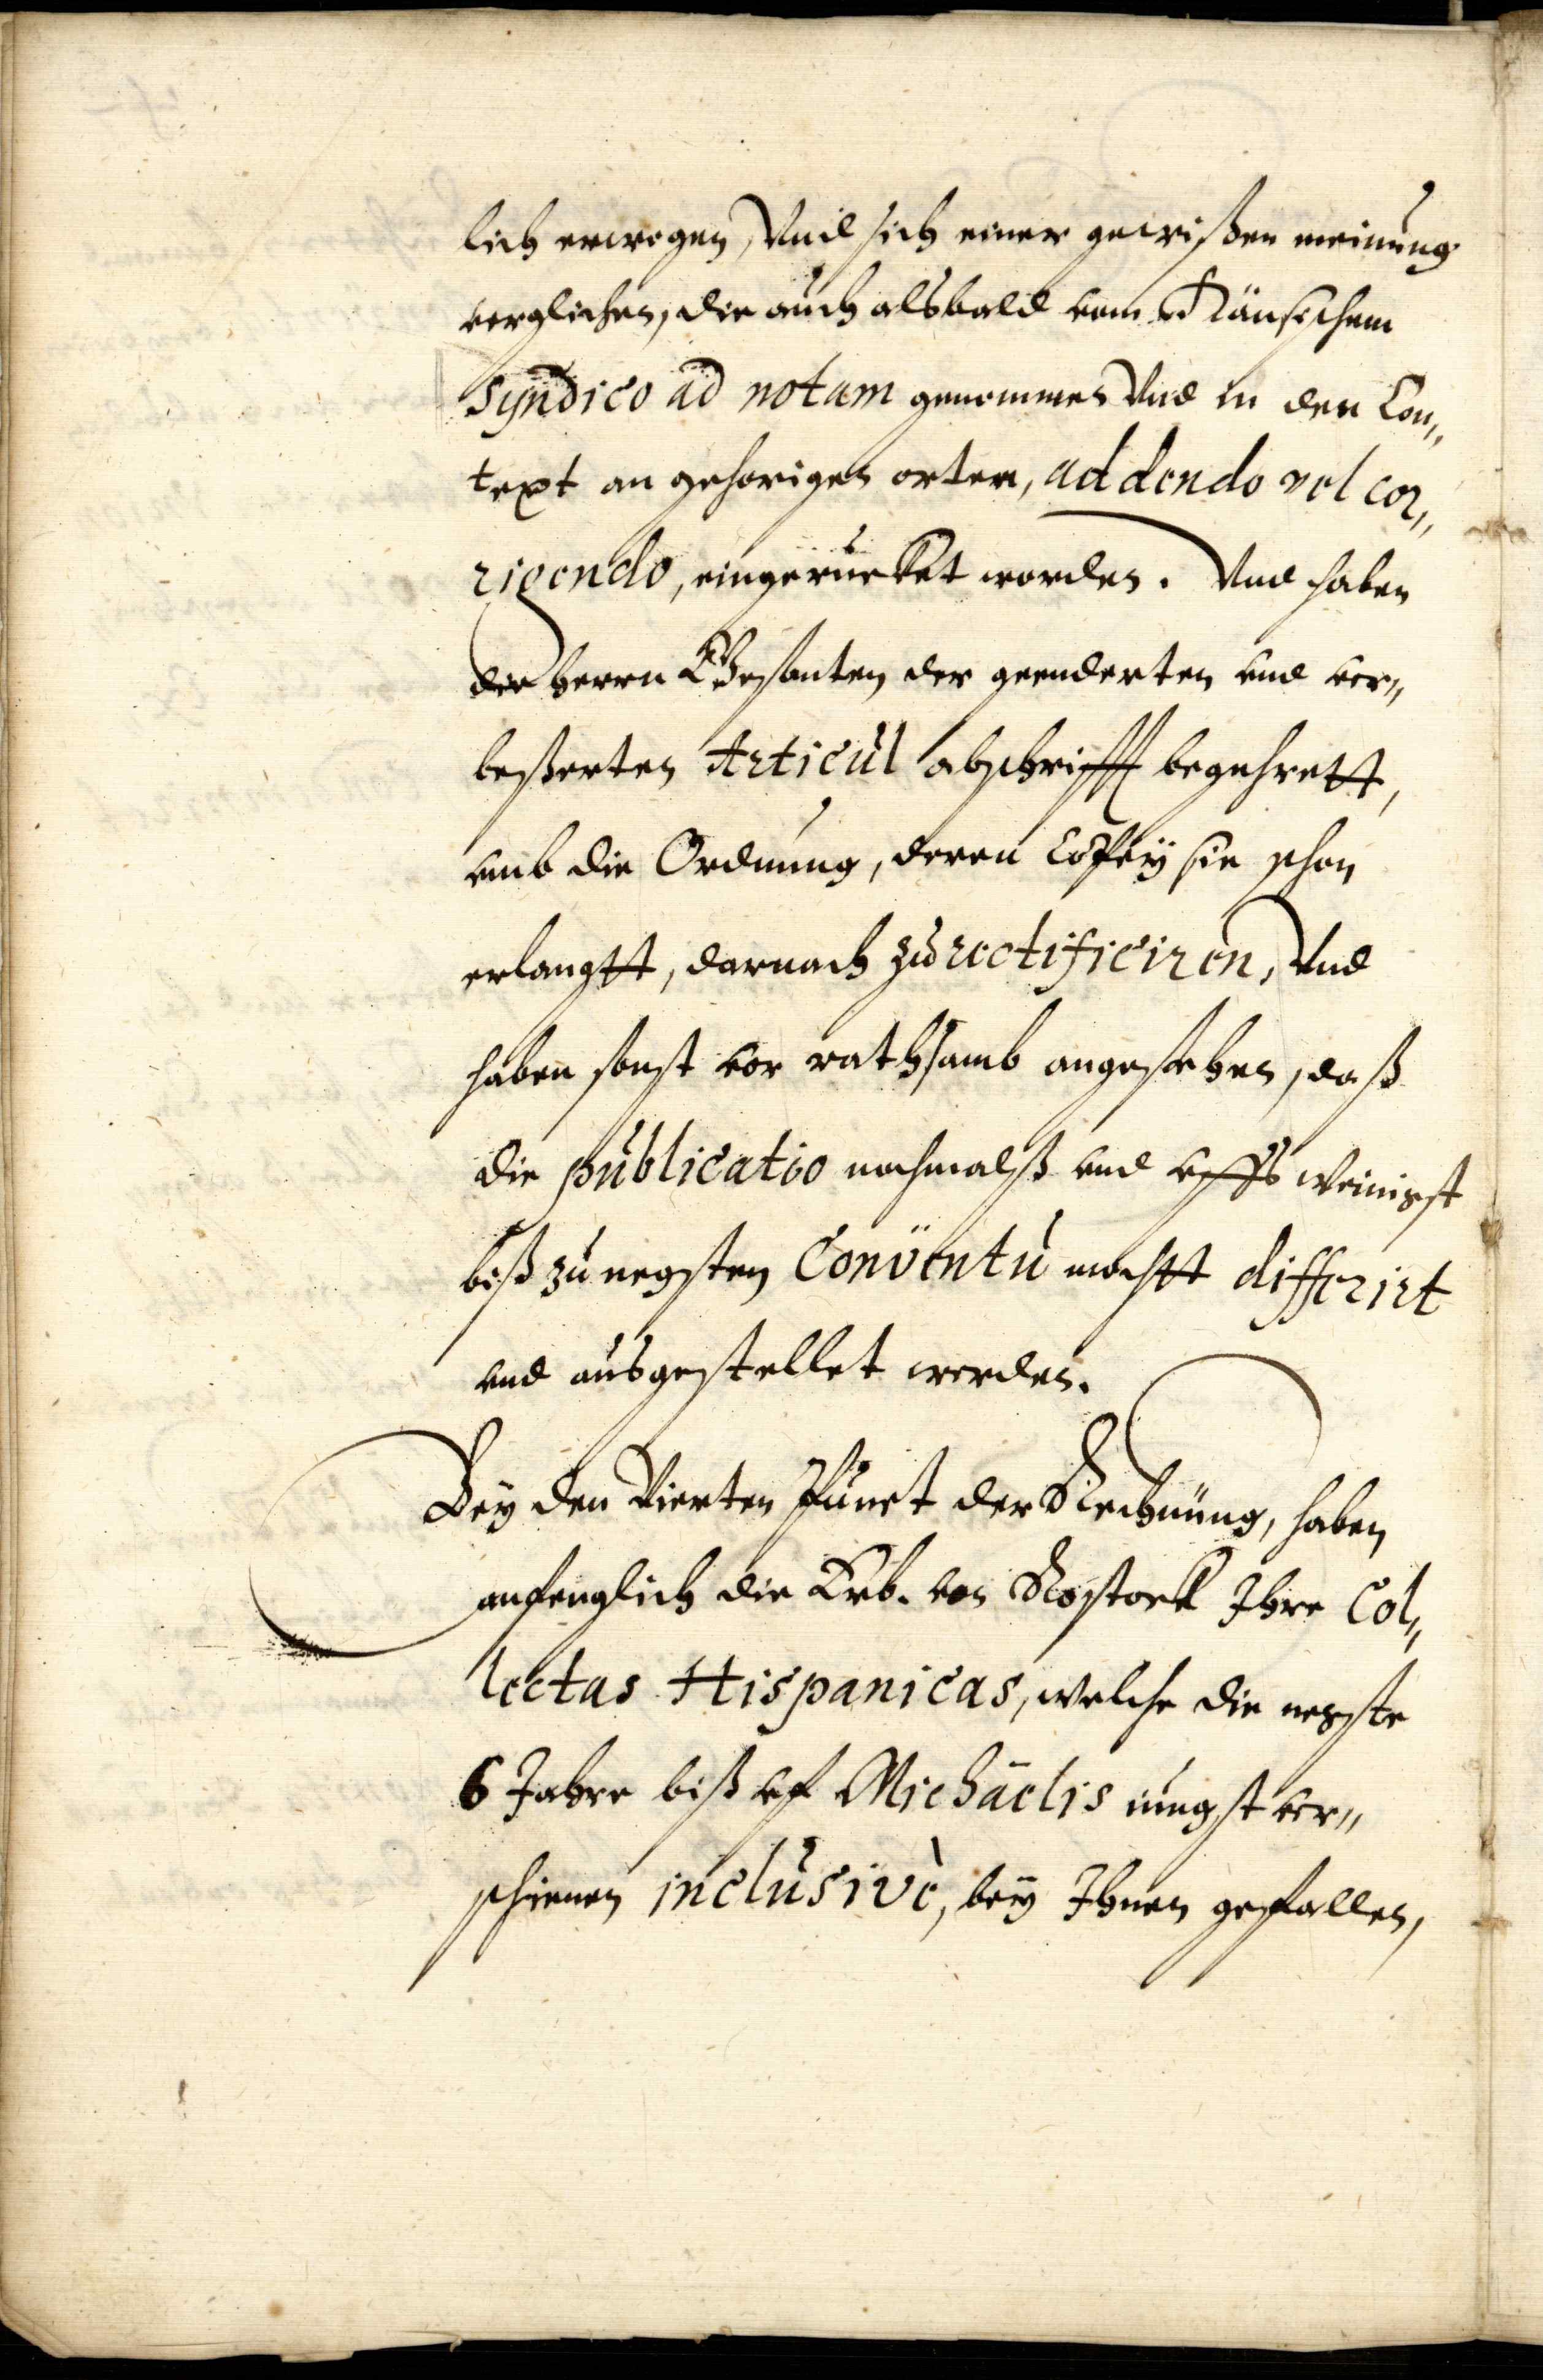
lich erwogen, Vnd sich einer gewißen meinung
verglichen, die auch alsbald vom Hänsischem
Syndico ad notam genommen Vnd in den Con¬
text an gehorigen orten, addendo vel cor¬
rigendo, eingerucket worden. Vnd haben
die herrn Gesanten der geenderten vnd ver¬
beßerten Articul abschrifft begehrett,
vmb die Ordnung, deren Copeij sie schon
erlangtt, darnach zu rectificiren, Vnd
haben sonst vor rathsamb angesehen, daß
die publicatio nochmalß vnd vffs weinigst
biß zu negsten Conventu mochtt differirt
vnd ausgestellet werden.
Beij den Vierten Punct der Rechnung, haben
anfenglich die Erb. von Rostock Ihre Col¬
lectas Hispanicas, welche die negste
6 Jahre biß vf Michaelis iungst ver¬
schienen inclusive, beij Ihnen gefallen,
